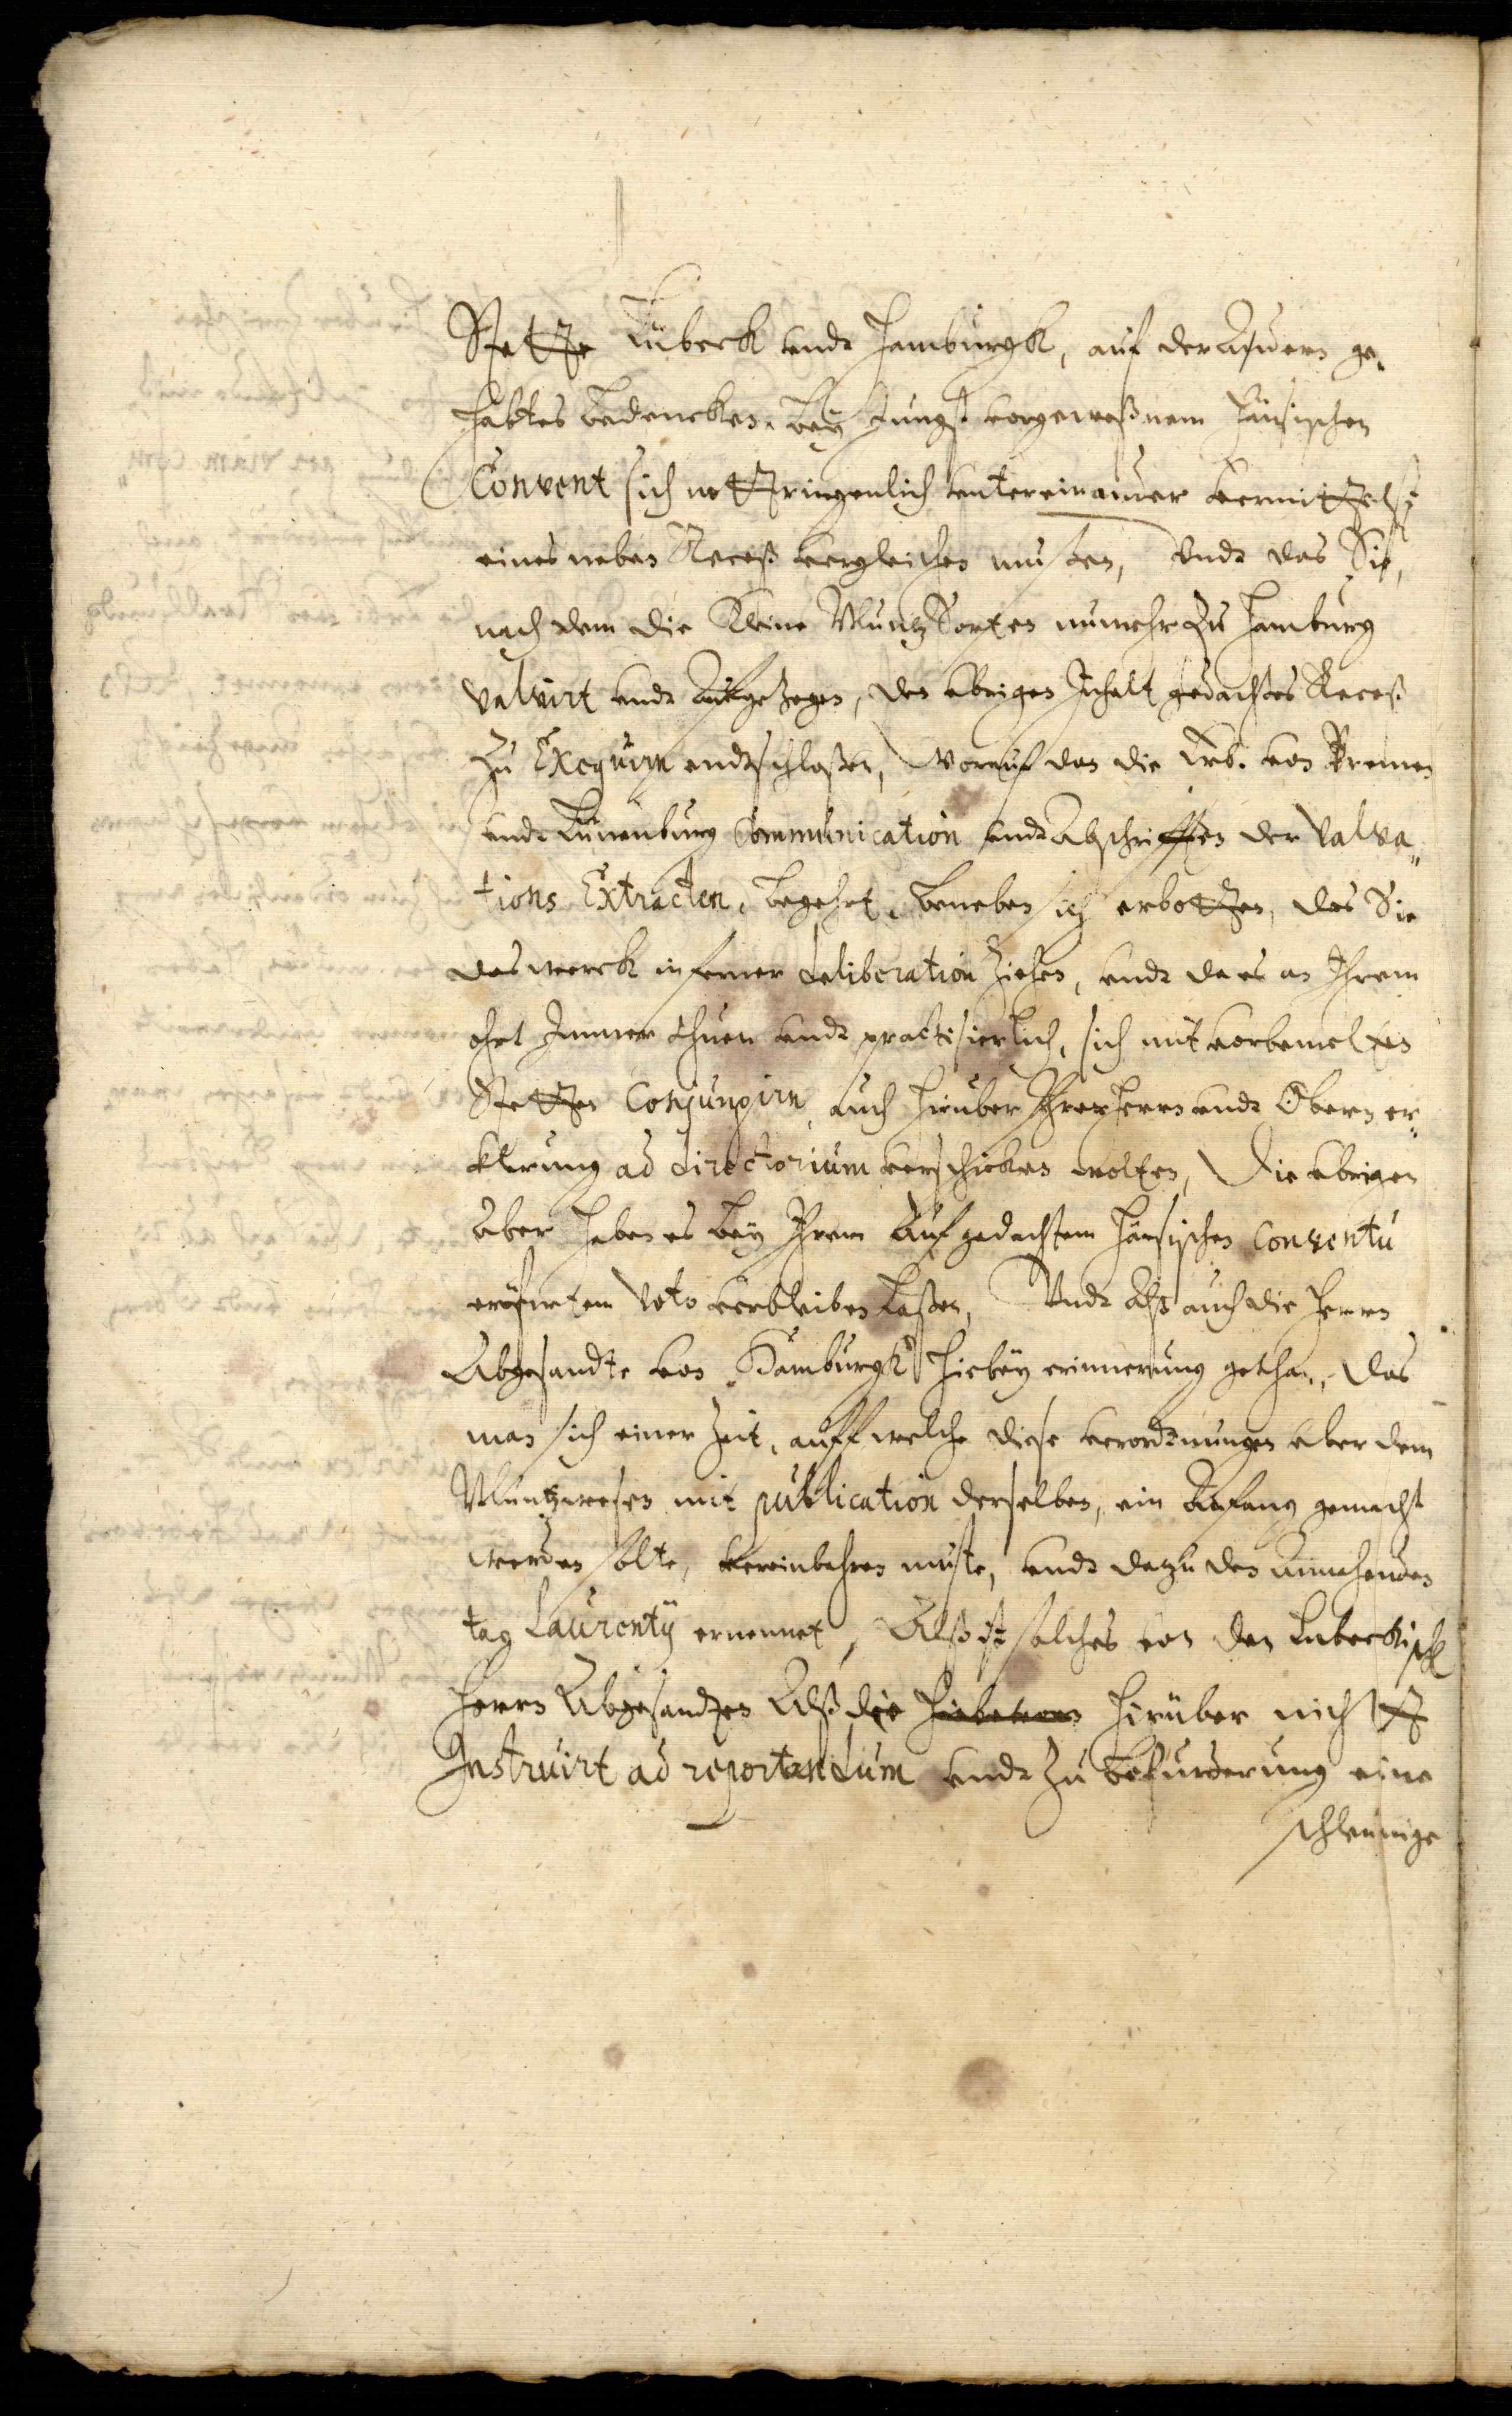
Stette Lübeck vndt Hamburgk, auf der Andern ge¬
habtes bedencken, beij jungst vorgeweßnem hänsischen
Convent sich nottringenlich vntereinander vermittelst
eines neben Receß vergleichen mußen, vndt das Sie,
nach dem die Kleine Muntz Sorten numehr zu Hamburg
valuirt vndt Aufgezogen, den vbrigen Inhalt gedachtes Receß
zu Exequirn endtschloßen, worauf dan die Erb. von Bremen
vndt Lünenburg Communication vndt Abschrifften der Valva¬
tions Extracten, begehrt, beneben sich erbotten, das Sie
das werck in ferner deliberation ziehen, vndt da es an Ihrem
ohrt Immer thuen vndt practisierlich, sich mit vorbemelten
Stetten Conjungirn, auch hiruber Ihrer herrn vndt Obern er¬
klerung ad directorium verschicken wolten, Die vbrigen
Aber haben es beij Ihrem Aufgedachtem hänsischen Conventu
eröfnetem voto verbleiben laßen, vndt Alß auch die Herrn
Abgesandte von Hamburgk hiebeij erinnerung gethan, das
man sich einer zeit, auff welche diese verordtnungen vber dem
Muntzwesen mit publication derselben, ein Anfang gemacht
werden solte, vereinbahren muste, vndt dazu den Annehenden
tag Laurentij ernennet, Alß ist solches von den Lubeckischen
herrn Abgesandten Alß die hiebevorn hirüber nichtt
Instruirt ad reportandum vndt zu befurderung eine
schleunige
